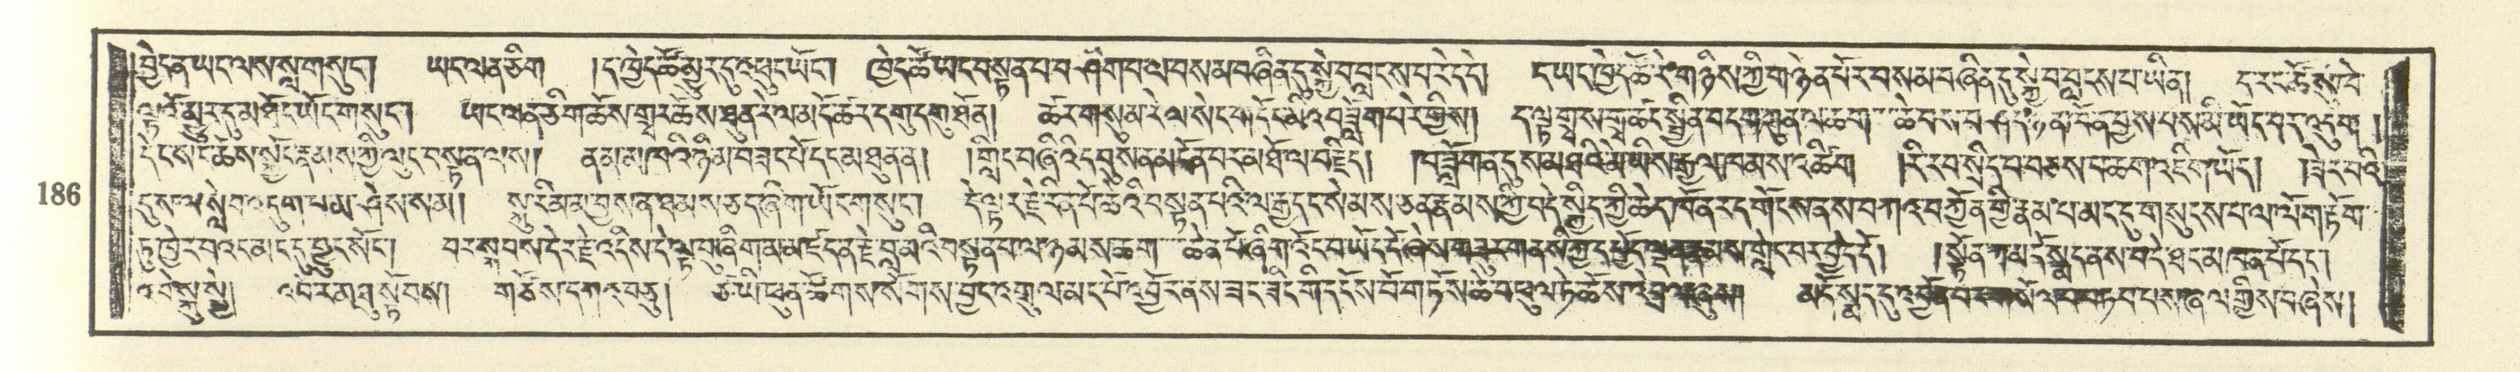བྱེད་ན་ཡང་ལས་སླ་གསུང་། ཡང་ལན་ཅིག །ད་ཁྱེད་ཚོ་མྱུར་དུ་འཕུང་ཡོང་། ཁྱེད་ཚོ་ཡང་བསྟན་པ་བཤིག་པ་ལ་བསམ་བཞིན་དུ་སྐྱེ་བ་བླངས་པ་རེད་དེ། ད་ཡང་ཁྱེད་ཚོ་རེ་གཉིས་ཀྱི་གཉེན་པོར་བསམ་བཞིན་དུ་སྐྱེ་བ་བླངས་པ་ཡིན། ད་རང་ཚོ་སུ་ཁེ་
ལྟའོ་མྱུར་དུ་མཐོང་ཡོང་གསུང་། ཡང་ལན་ཅིག་ཆོས་གྲྭར་ཆོས་ཐུན་རེ་ལ་མདོ་ཚར་དགུ་དགུ་ཐོན། ཚར་གསུམ་རེ་ལ་སེང་གདོང་མའི་བཟློག་པ་རེ་གྱིས། ད་ལྟ་གྲྭ་ས་གྲྭ་ཚང་སྦྱིན་བདག་ཀུན་ལ་ཆག་ཆེ་བས་བཤད་ཉན་ཁོ་ན་བྱས་པས་མི་ཡོང་བར་འདུག །
དེང་སང་ཆོས་སྐྱོང་རྣམས་ཀྱི་ལུང་བསྟན་ལས། ནམ་མཁའི་ཉི་མ་བཟང་པོ་དང་མཐུན་ན། །གླིང་བཞིའི་དབུས་ན་མངོན་པར་མཐོ་ལ་བརྗིད། །བཟློག་ན་དུས་མཐའི་མེ་ཡིས་རྒྱལ་ཁམས་འཚིག །རི་རབ་སྲིད་པ་བཅས་པ་ཆག་འཇིག་ཡོད། །ཟེར་བའི་
དུས་ལ་སླེབ་འདུག་པ་མ་ཤེས་སམ། སྐུ་རིམ་མ་བྱས་ན་ཐམས་ཅད་ཞིག་ཡོང་གསུང་། དེ་ལྟར་རྗེ་རིན་པོ་ཆེའི་བསྟན་པའི་ལ་རྒྱ་དང་སེམས་ཅན་རྣམས་ཀྱི་བདེ་སྐྱིད་ཀྱི་ཆེད་ཁོ་ནར་དགོངས་ནས་བཀའ་བཀྱོན་གྱི་རྣམ་པ་མང་དུ་གསུངས་པ་ལ་ལོག་རྟོག་
ཏུ་ཁྱེར་བའང་མང་དུ་བྱུང་སོང་། བར་སྐབས་དེར་རྗེ་འདིས་དེ་ལྟ་བུ་ཞིག་མ་མཛད་ན་རྗེ་བླ་མའི་བསྟན་པ་ལ་ཉམས་ཆག་ཆེན་པོ་ཞིག་འོང་བ་ཡོང་དོ་ཞེས་གཟུར་གནས་ཀྱི་དཔྱོད་ལྡན་རྣམས་གླེང་བར་བྱེད་དོ། །སྟོན་ཀ་མདོ་སྨད་ནས་བདེ་ཐང་མཁན་པོ་དང་།
འབེ་སྐུ་སྐྱེ། འབོར་མཐུ་སྟོབས། གཙོས་དཀའ་བཅུ། ཙ་ཡི་ཕུན་ཚོགས་སོགས་བྱང་འགྲུལ་མང་པོ་འབྱོར་ནས་ཟང་ཟིང་གི་དངོས་པོ་གཏོས་ཆེ་བ་ཕུལ་ཏེ་ཆོས་འབྲེལ་ཞུས། མདོ་སྨད་དུ་འབྱོན་པར་གསོལ་བ་བཏབ་པས་ཞལ་གྱིས་བཞེས།